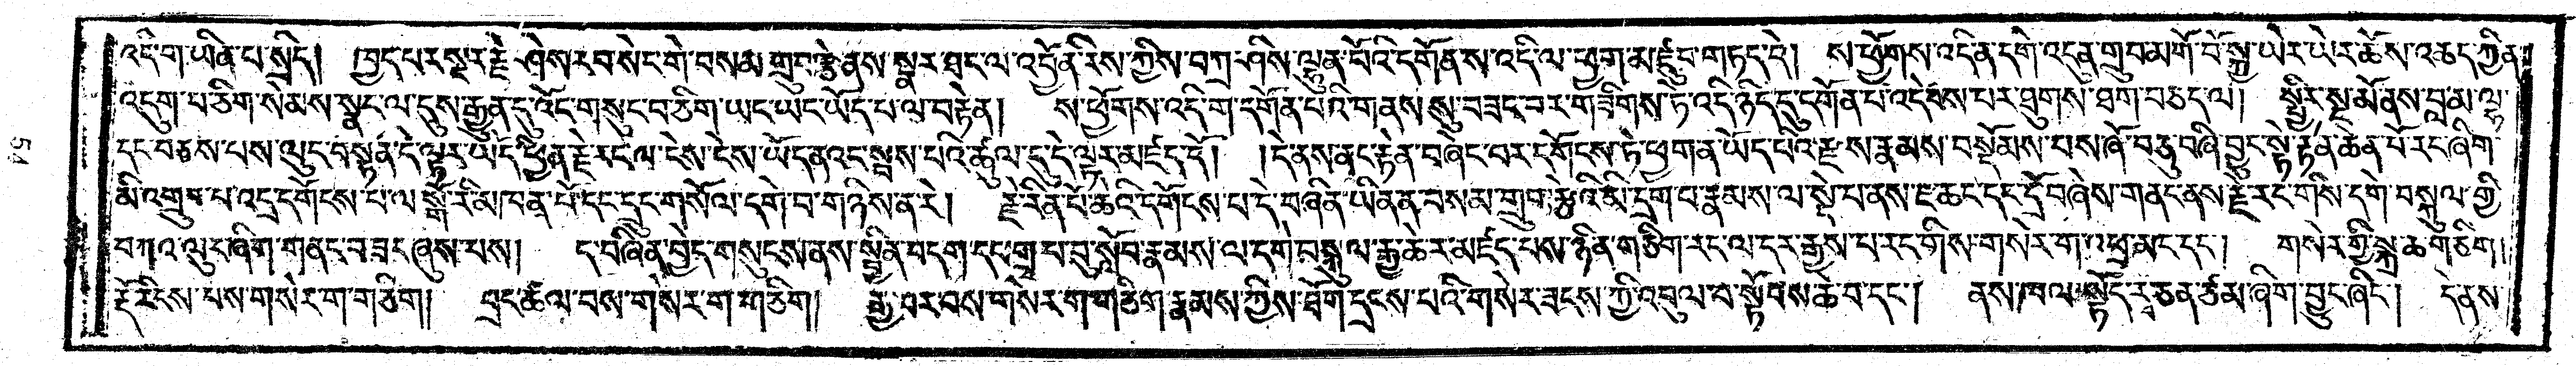འདི་ག་ཡིན་པ་སྲིད། ཁྱད་པར་སྔར་རྗེ་ཤེས་རབ་སེང་གེ་བསམ་གྲུབ་རྩེ་ནས་སྣར་ཐང་ལ་འབྱོན་རིས་ཀྱིས་བཀྲ་ཤིས་ལྷུན་པོའི་དགོན་ས་འདི་ལ་ཕྱག་མཛུབ་གཏད་དེ། ས་ཕྱོགས་འདི་ན་དགེ་འདུན་གྲུབ་མགོ་བོ་སྐྱ་ཡེར་ཡེར་ཆོས་འཆད་ཀྱིན་
འདུག་པ་ཅིག་སེམས་སྣང་ལ་དུས་རྒྱུན་དུ་འོད་གསུང་བ་ཅིག་ཡང་ཡང་ཡོད་པ་ལ་བརྟེན། ས་ཕྱོགས་འདི་ག་དགོན་པའི་གནས་སུ་བཟང་བར་གཟིགས་ཏེ་འདི་ཉིད་དུ་དགོན་པ་འདེབས་པར་ཐུགས་ཐག་བཅད་ལ། སྤྱིར་སྔ་མོ་ནས་བླ་མ་ལྷ་
དང་བཅས་པས་ལུང་བསྟན་དེ་ལྟར་ཡོད་ཕྱིན་རྗེ་རང་ལ་ངེས་ངེས་ཡོད་ནའང་སྦས་པའི་ཚུལ་དུ་དེ་ལྟར་མཛད་དོ། །དེ་ནས་ནང་རྟེན་བཞེང་བར་དགོངས་ཏེ་ཕྱག་ན་ཡོད་པའི་རྫས་རྣམས་བསྡོམས་པས་ཞོ་བཅུ་བཞི་བྱུང་སྟེ་རྟན་ཆེན་པོ་རང་ཞིག་
མི་འགྲུབ་པ་འདྲ་དགོངས་པ་ལ་སྒོ་རི་མཁན་པོ་དང་དྲུང་གསོལ་དགེ་བ་གཉིས་ན་རེ། རྗེ་རིན་པོ་ཆེའི་དགོངས་པ་དེ་བཞིན་ཡིན་ན་བསམ་གྲུབ་རྩེའི་མི་དྲག་པ་རྣམས་ལ་སྡེ་པ་ནས་ཇ་ཆང་དང་དྲོ་བཞེས་གནང་ནས་རྗེ་རང་གིས་དགེ་བསྐུལ་གྱི་
བཀའ་ལུང་ཞིག་གནང་བཟང་ཞུས་པས། ད་བཞིན་བྱེད་གསུངས་ནས་སྦྱིན་བདག་དང་གྲྭ་པ་བུ་སློབ་རྣམས་ལ་དགེ་བསྐུལ་རྒྱ་ཆེར་མཛད་པས་ཉིན་གཅིག་རང་ལ་དར་རྒྱས་པ་རང་གིས་གསེར་ག་འཕྲ་མང་དང་། གསེར་གྱི་སྐྲ་ཆ་གཅིག།
རྡོ་རིངས་པས་གསེར་ག་གཅིག། བྲང་ཚལ་བས་གསེར་ག་གཅིག། རྒྱ་བར་བས་གསེར་ག་གཅིག་རྣམས་ཀྱིས་ཐོག་དྲངས་པའི་གསེར་ཟངས་ཀྱི་འབུལ་བ་སྟོབས་ཆེ་བ་དང་། ནས་ཁལ་སྟོད་རྭ་ཅན་ཙམ་ཞིག་བྱུང་ཞིང་། དེ་ནས་